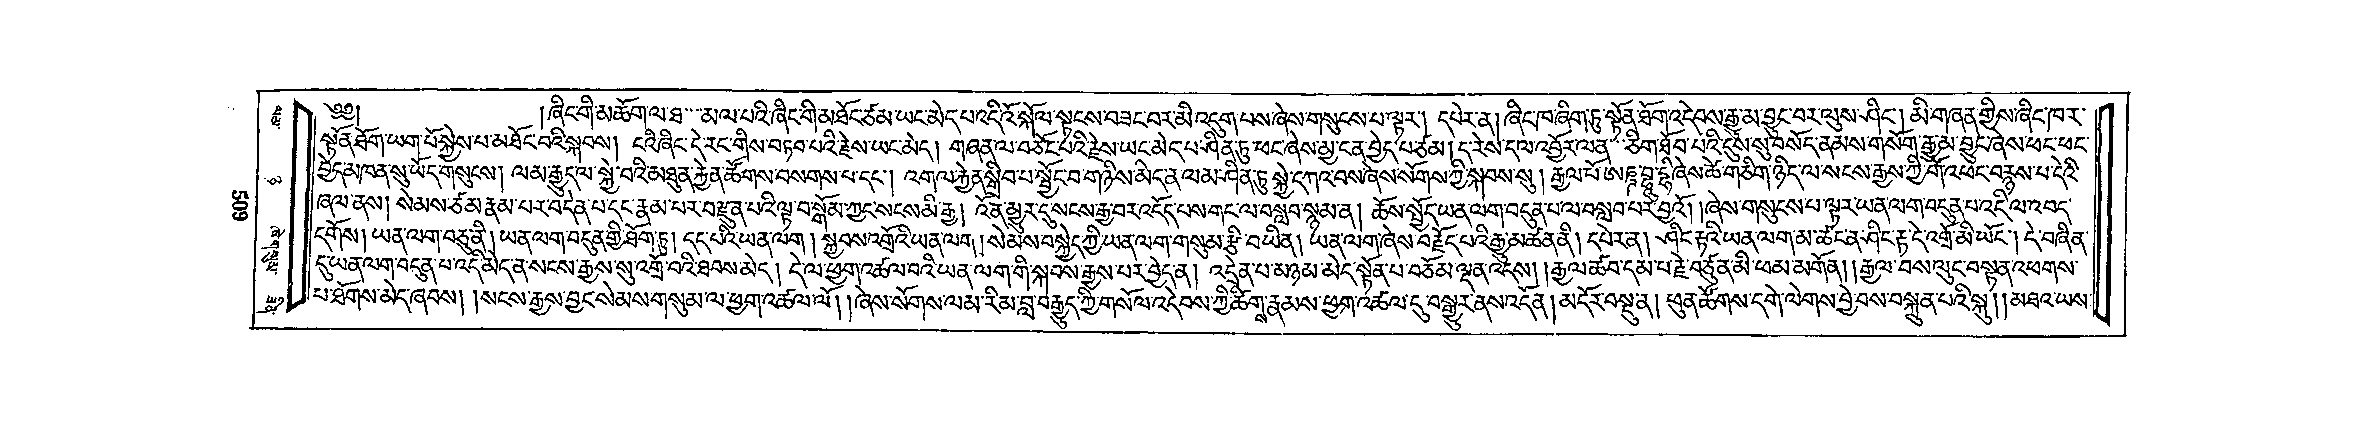༄༅། །ཞིང་གི་མཆོག་ལ་ཐ་མལ་པའི་ཞིང་གི་མཐོང་ཙམ་ཡང་མེད་པ་འདིའོ་སྐོལ་སྟངས་བཟང་བར་མི་འདུག་པས་ཞེས་གསུངས་པ་ལྟར། དཔེར་ན། ཞིང་ཁ་ཞིག་ཏུ་སྟོན་ཐོག་འདེབས་རྒྱུ་མ་བྱུང་བར་ལུས་ཤིང་། མི་གཞན་གྱིས་ཞིང་ཁར་
སྟོན་ཐོག་ཡག་པོ་སྐྱེས་པ་མཐོང་བའི་སྐབས། ངའི་ཞིང་དེ་རང་གིས་བཏབ་པའི་རྗེས་ཡང་མེད། གཞན་ལ་བཙོང་པའི་རྗེས་ཡང་མེད་པ་ཤིན་ཏུ་ཕང་ཞེས་མྱ་ངན་བྱེད་པ་ཙམ། ད་རེས་དལ་འབྱོར་ལན་ཅིག་ཐོབ་པའི་དུས་སུ་བསོད་ནམས་གསོག་རྒྱུ་མ་བྱུང་ཞེས་ཕང་ཕང་
བྱེད་མཁན་སུ་ཡོད་གསུངས། ལམ་རྒྱུད་ལ་སྐྱེ་བའི་མཐུན་རྐྱེན་ཚོགས་བསགས་པ་དང་། འགལ་རྐྱེན་སྒྲིབ་པ་སྦྱོང་བ་གཉིས་མེད་ན་ལམ་ཤིན་ཏུ་སྐྱེ་དཀའ་བས་ཞེས་སོགས་ཀྱི་སྐབས་སུ། རྒྱལ་པོ་ཨཎཌ་བྷཱུ་དྷི་ཞེས་ཚེ་གཅིག་ཉིད་ལ་སངས་རྒྱས་ཀྱི་གོ་འཕང་བརྙས་པ་དེའི་
ཞལ་ནས། སེམས་ཙམ་རྣམ་པར་བདེན་པ་དང་རྣམ་པར་བརྫུན་པའི་ལྟ་བསྒོམ་ཀྱང་སངས་མི་རྒྱ། འོན་མྱུར་དུ་སངས་རྒྱ་བར་འདོད་པས་གང་ལ་བསླབ་སྙམ་ན། ཆོས་སྤྱོད་ཡན་ལག་བདུན་པ་ལ་བསླབ་པར་བྱའོ། །ཞེས་གསུངས་པ་ལྟར་ཡན་ལག་བདུན་པ་འདི་ལ་འབད་
དགོས། ཡན་ལག་བཅུ་ནི། ཡན་ལག་བདུན་གྱི་ཐོག་ཏུ། དད་པའི་ཡན་ལག །སྐྱབས་འགྲོའི་ཡན་ལག །སེམས་བསྐྱེད་ཀྱི་ཡན་ལག་གསུམ་རྩི་བ་ཡིན། ཡན་ལག་ཞེས་བརྗོད་པའི་རྒྱུ་མཚན་ནི། དཔེར་ན། ཤིང་རྟའི་ཡན་ལག་མ་ཚང་ན་ཤིང་རྟ་དེ་འགྲོ་མི་ཡོང་། དེ་བཞིན་
དུ་ཡན་ལག་བདུན་པ་འདི་མེད་ན་སངས་རྒྱས་སུ་འགྲོ་བའི་ཐབས་མེད། དེ་ལ་ཕྱག་འཚལ་བའི་ཡན་ལག་གི་སྐབས་རྒྱས་པར་བྱེད་ན། འདྲེན་པ་མཉམ་མེད་སྟོན་པ་བཅོམ་ལྡན་འདས། །རྒྱལ་ཚབ་དམ་པ་རྗེ་བཙུན་མི་ཕམ་མགོན། །རྒྱལ་བས་ལུང་བསྟན་འཕགས་
པ་ཐོགས་མེད་ཞབས། །སངས་རྒྱས་བྱང་སེམས་གསུམ་ལ་ཕྱག་འཚལ་ལོ། །ཞེས་སོགས་ལམ་རིམ་བླ་བརྒྱུད་ཀྱི་གསོལ་འདེབས་ཀྱི་ཚིགས་རྣམས་ཕྱག་འཚལ་དུ་བསྒྱུར་ནས་འདོན། མདོར་བསྡུ་ན། ཕུན་ཚོགས་དགེ་ལེགས་བྱེ་བས་བསྐྲུན་པའི་སྐུ། །མཐའ་ཡས་